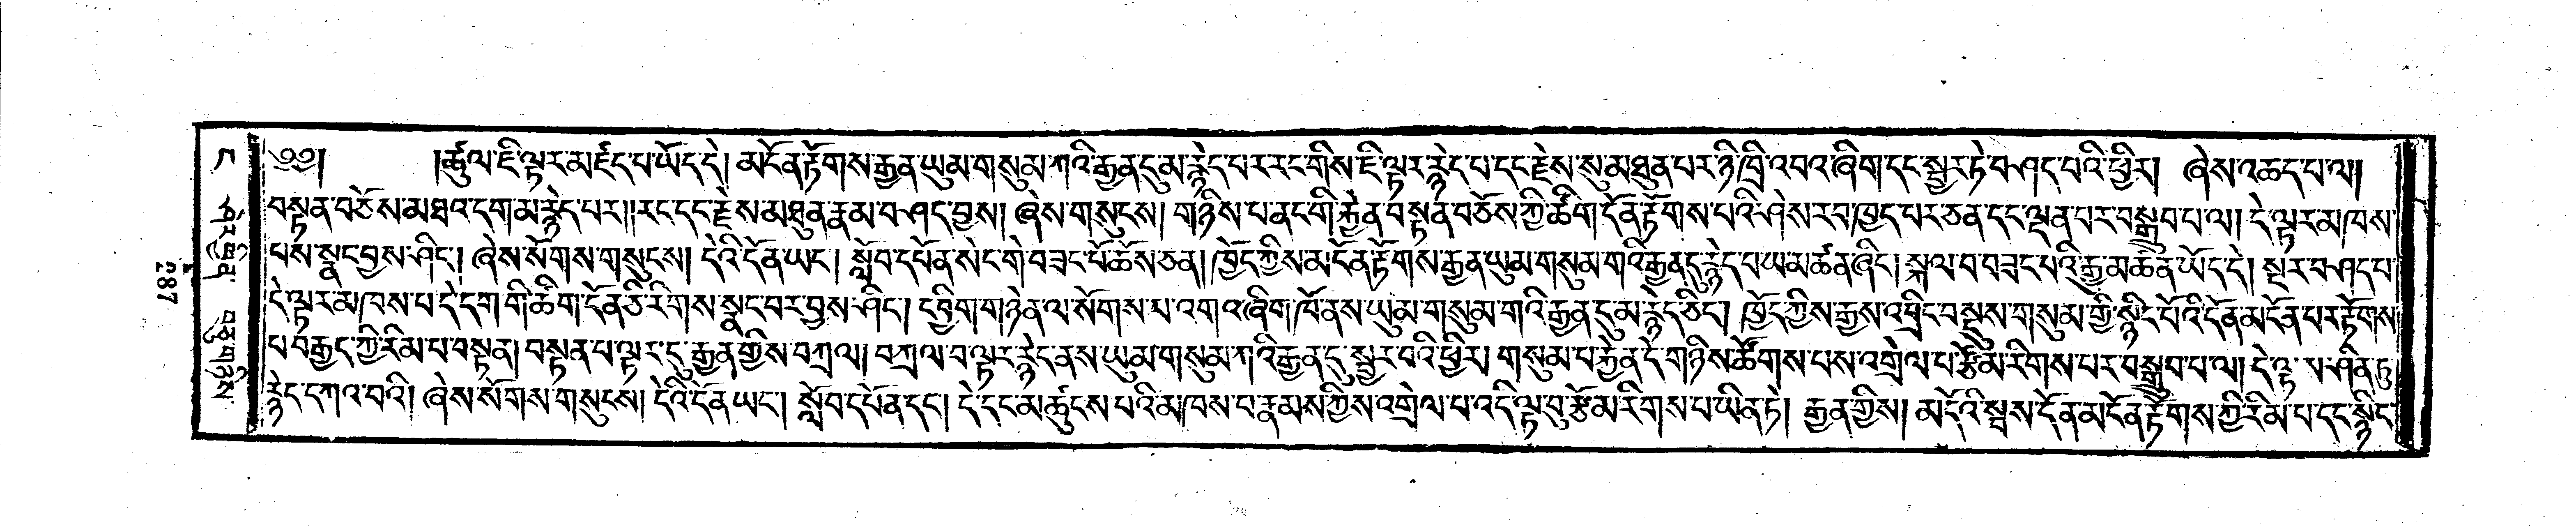༄༅། །ཚུལ་ཇི་ལྟར་མཛད་པ་ཡོད་དེ། མངོན་རྟོགས་རྒྱན་ཡུམ་གསུམ་ཀའི་རྒྱན་དུ་མ་རྙེད་པར་རང་གིས་ཇི་ལྟར་རྙེད་པ་དང་རྗེས་སུ་མཐུན་པར་ཉི་ཁྲི་འབའ་ཞིག་དང་སྦྱར་ཏེ་བཤད་པའི་ཕྱིར། ཞེས་འཆད་པ་ལ།
བསྟན་བཅོས་མཐའ་དག་མ་རྙེད་པར། །རང་དང་རྗེས་མཐུན་རྣམ་བཤད་བྱས། ཞེས་གསུངས། གཉིས་པ་ནང་གི་རྐྱེན་བསྟན་བཅོས་ཀྱི་ཚིག་དོན་རྟོགས་པའི་ཤེས་རབ་ཁྱད་པར་ཅན་དང་ལྡན་པར་བསྒྲུབ་པ་ལ། དེ་ལྟར་མཁས་
པས་སྣང་བྱས་ཤིང་། ཞེས་སོགས་གསུངས། དེའི་དོན་ཡང་། སློབ་དཔོན་སེང་གེ་བཟང་པོ་ཆོས་ཅན། ཁྱོད་ཀྱིས་མངོན་རྟོགས་རྒྱན་ཡུམ་གསུམ་གའི་རྒྱན་དུ་རྙེད་པ་ཡ་མཚན་ཞིང་། སྐལ་བ་བཟང་བའི་རྒྱུ་མཚན་ཡོད་དེ། སྔར་བཤད་པ་
དེ་ལྟར་མཁས་པ་དེ་དག་གི་ཚིག་དོན་ཅི་རིགས་སྣང་བར་བྱས་ཤིང་། དབྱིག་གཉེན་ལ་སོགས་པ་འགའ་ཞིག་ཁོ་ནས་ཡུམ་གསུམ་གའི་རྒྱན་དུ་མ་རྙེད་ཅིང་། ཁྱོད་ཀྱིས་རྒྱས་འབྲིང་བསྡུས་གསུམ་གྱི་སྙིང་པོའི་དོན་མངོན་པར་རྟོགས་
པ་བརྒྱད་ཀྱི་རིམ་པ་བསྟན། བསྟན་པ་ལྟར་དུ་རྒྱན་གྱིས་བཀྲལ། བཀྲལ་བ་ལྟར་རྙེད་ནས་ཡུམ་གསུམ་ཀའི་རྒྱན་དུ་སྦྱར་བའི་ཕྱིར། གསུམ་པ་རྐྱེན་དེ་གཉིས་ཚོགས་པས་འགྲེལ་པ་རྩོམ་རིགས་པར་བསྒྲུབ་པ་ལ། དེ་ལྟས་ཤིན་ཏུ་
རྙེད་དཀའ་བའི། ཞེས་སོགས་གསུངས། དེའི་དོན་ཡང་། སློབ་དཔོན་དང་། དེ་དང་མཚུངས་པའི་མཁས་པ་རྣམས་ཀྱིས་འགྲེལ་པ་འདི་ལྟ་བུ་རྩོམ་རིགས་པ་ཡིན་ཏེ། རྒྱན་གྱིས། མདོའི་སྦས་དོན་མངོན་རྟོགས་ཀྱི་རིམ་པ་དང་སྙིང་